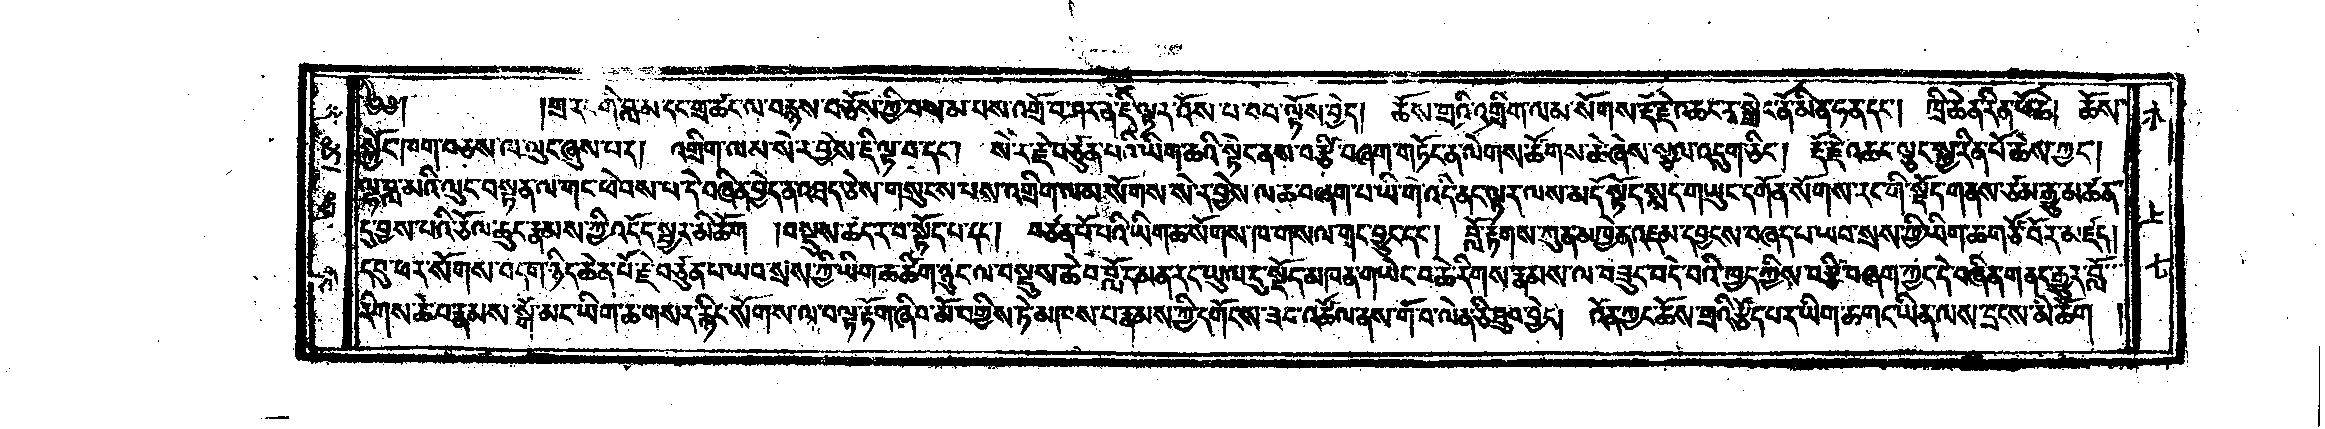༄༅། །གྲ་རང་གི་བླ་མ་དང་གྲ་ཚང་ལ་བརྙས་བཅོས་ཀྱི་བསམ་པས་འགྲོ་བ་ཤར་ན་ཇི་ལྟར་འོས་པ་བབ་ལྟོས་བྱེད། ཆོས་གྲའི་འགྲིག་ལམ་སོགས་རྡོ་རྗེ་འཆང་རྭ་སྒྲེང་ནོ་མིན་ཧན་དང་། ཁྲི་ཆེན་རིན་པོ་ཆེ། ཆོས་
སྐྱོང་ཁག་བཅས་ལ་ལུང་ཞུས་པར། འགྲིག་ལམ་སེ་ར་བྱེས་ཇི་ལྟ་བ་དང་། སེ་ར་རྗེ་བཙུན་པའི་ཡིག་ཆའི་སྟེང་ནས་བརྩི་བཞག་གཏོང་ན་ལེགས་ཚོགས་ཆེ་ཞེས་སྩལ་འདུག་ཅིང་། རྡོ་རྗེ་འཆང་ལྕང་སྐྱ་རིན་པོ་ཆེས་ཀྱང་།
ལྷ་བླ་མའི་ལུང་བསྟན་ལ་གང་ཕེབས་པ་དེ་བཞིན་བྱེད་ན་འཐད་ཅེས་གསུངས་པས་འགྲིག་ལམ་སོགས་སེ་ར་བྱེས་ལ་ཆ་བཞག་པ་ཡི་གེ་འདི་ནང་ལྟར་ལས་མདོ་སྟོད་སྨད་གཡུང་དགོན་སོགས་རང་གི་སྡོད་གནས་ཙམ་རྒྱུ་མཚན་
དུ་བྱས་པའི་ཅོལ་ཆུང་རྣམས་ཀྱི་འདོད་སྦྱར་མི་ཆོག །བསྡུས་ཚད་ར་བ་སྟོད་པ་དང་། བཙན་པོ་པའི་ཡིག་ཆ་སོགས་ཁ་གསལ་གང་བྱུང་དང་། བློ་རྟགས་ཀུན་མཁྱེན་འཇམ་དབྱངས་བཞད་པ་ཡབ་སྲས་ཀྱི་ཡིག་ཆ་གཙོ་བོར་མཛད།
དབུ་ཕར་སོགས་བདག་ཉིད་ཆེན་པོ་རྗེ་བཙུན་པ་ཡབ་སྲས་ཀྱི་ཡིག་ཆ་ཚིག་ཉུང་ལ་བསྡུས་ཆེ་བ་བློ་དམན་རང་ཡུལ་དུ་སྡོད་མཁན་གཡེང་བ་ཆེ་རིགས་རྣམས་ལ་བཟུང་བདེ་བའི་ཁྱད་ཀྱིས་བརྩི་བཞག་ཀྱང་དེ་བཞིན་གནང་རྒྱུར་བློ་
རིགས་ཆེ་བ་རྣམས་སྒོ་མང་ཡིག་ཆ་གསར་རྙིང་སོགས་ལ་བལྟ་རྟོག་ཞིབ་མོ་བགྱིས་ཏེ་མཁས་པ་རྣམས་ཀྱི་དགོངས་ཟབ་འཚོལ་ནས་གོ་བ་ལེན་ཅི་ཐུབ་བྱེད། འོན་ཀྱང་ཆོས་གྲའི་རྩོད་པར་ཡིག་ཆ་གང་ཡིན་ལས་དྲངས་མི་ཆོག་